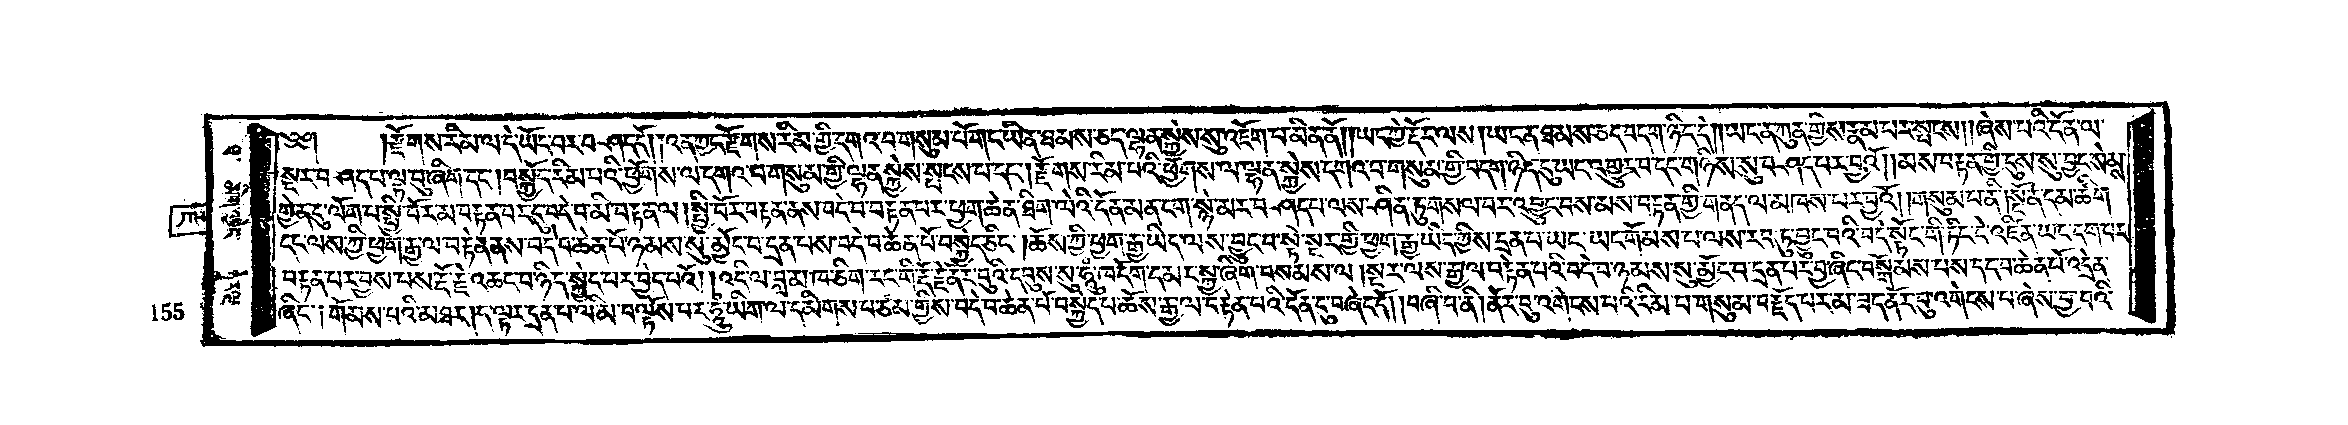༄༅། །རྫོགས་རིམ་ལ་དེ་ཡོད་པར་བཤད་དོ། །འོན་ཀྱང་རྫོགས་རིམ་གྱི་དགའ་བ་གསུམ་པོ་གང་ཡིན་ཐམས་ཅད་ལྷན་སྐྱེས་སུ་འཇོག་པ་མིན་ནོ། །ཡང་ཀྱེ་རྡོར་ལས། ཡང་ན་ཐམས་ཅད་བདག་ཉིད་དེ། །ཡང་ན་ཀུན་གྱིས་རྣམ་པར་སྤངས། །ཞེས་པའི་དོན་ལ་
སྔར་བཤད་པ་ལྟ་བུ་ཞིག་དང་། བསྐྱེད་རིམ་པའི་ཕྱོགས་ལ་དགའ་བ་གསུམ་གྱི་ལྷན་སྐྱེས་སྤངས་པ་དང་། རྫོགས་རིམ་པའི་ཕྱོགས་ལ་ལྷན་སྐྱེས་དགའ་བ་གསུམ་གྱི་བདག་ཉིད་དུ་ཡང་འགྱུར་བ་དང་གཉིས་སུ་བཤད་པར་བྱའོ། །མས་བརྟན་གྱི་དུས་སུ་བྱང་སེམས་
གྱེན་དུ་ལོག་པ་སྤྱི་བོར་མ་བརྟན་བར་དུ་བདེ་བ་མི་བརྟན་ལ། སྤྱི་བོར་བརྟན་ནས་བདེ་བ་བརྟན་པར་ཕྱག་ཆེན་ཐིག་ལེའི་དོན་མན་ངག་སྙེ་མར་བཤད་པ་ལས་ཤིན་ཏུ་གསལ་བར་འབྱུང་བས་མས་བརྟན་གྱི་གནད་ལ་མཁས་པར་བྱའོ། །གསུམ་པ་ནི། སྔོན་དམ་ཚིག་
དང་ལས་ཀྱི་ཕྱག་རྒྱ་ལ་བརྟེན་ནས་བདེ་བ་ཆེན་པོ་ཉམས་སུ་མྱོང་བ་དྲན་པས་བདེ་བ་ཆེན་པོ་བསྐྱེད་ཅིང་། ཆོས་ཀྱི་ཕྱག་རྒྱ་ཡིད་ལས་བྱུང་བ་སྟེ་སྔར་གྱི་ཕྱག་རྒྱ་ཡིད་ཀྱིས་དྲན་པ་ཡང་ཡང་གོམས་པ་ལས་རབ་ཏུ་བྱུང་བའི་བདེ་སྟོང་གི་ཏིང་ངེ་འཛིན་ཡང་དག་པར་
བརྟན་པར་བྱས་པས་རྡོ་རྗེ་འཆང་བ་ཉིད་སྐྱེད་པར་བྱེད་པའོ། །འདི་ལ་བླ་མ་ཁ་ཅིག་རང་གི་རྡོ་རྗེ་ནོར་བུའི་དབུས་སུ་ཧཱུཾ་ཁ་དོག་དམར་སྐྱ་ཞིག་བསམས་ལ། སྔར་ལས་རྒྱ་ལ་བརྟེན་པའི་བདེ་བ་ཉམས་སུ་མྱོང་བ་དྲན་པར་བྱ་ཞིང་བསྒོམས་པས་བདེ་བ་ཆེན་པོ་འདྲེན་
ཞིང་།གོམས་པའི་མཐར། དེ་ལྟར་དྲན་པ་ལ་མི་བལྟས་པར་ཧཱུཾ་ཡིག་ལ་དམིགས་པ་ཙམ་གྱིས་བདེ་བ་ཆེན་པོ་བསྐྱེད་པ་ཆོས་རྒྱ་ལ་བརྟེན་པའི་དོན་དུ་བཞེད་དོ། །བཞི་པ་ནི། ནོར་བུ་འགེངས་པའི་རིམ་པ་གསུམ་བརྗོད་པར་མ་ཟད་ནོར་བུ་འགེངས་པ་ཞེས་བྱ་བའི་